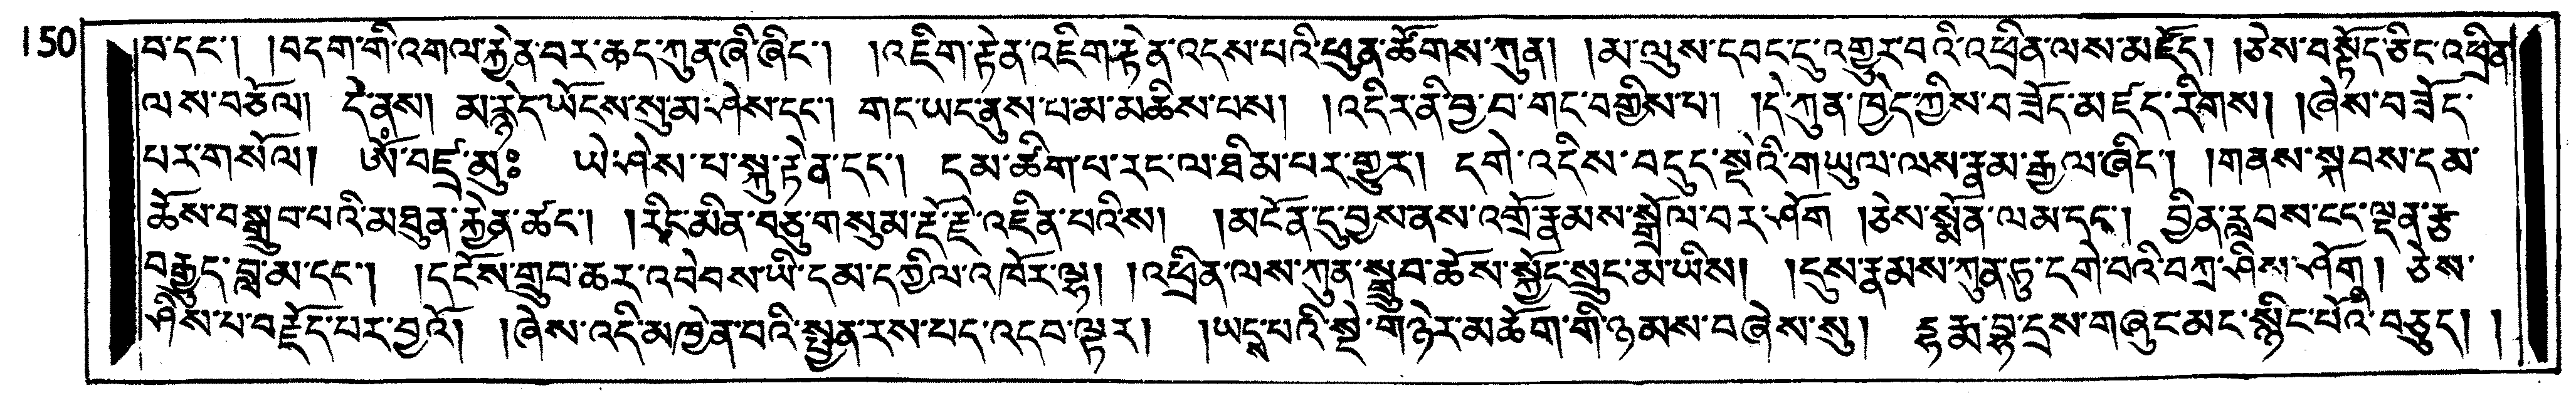བ་དང་། །བདག་གི་འགལ་རྐྱེན་བར་ཆད་ཀུན་ཞི་ཞིང་། །འཇིག་རྟེན་འཇིག་རྟེན་འདས་པའི་ཕུན་ཚོགས་ཀུན། །མ་ལུས་དབང་དུ་འགྱུར་བའི་འཕྲིན་ལས་མཛོད། །ཅེས་བསྟོད་ཅིང་འཕྲིན་
ལས་བཅོལ། དེ་ནས། མ་རྙེད་ཡོངས་སུ་མ་ཤེས་དང་། གང་ཡང་ནུས་པ་མ་མཆིས་པས། །འདིར་ནི་བྱ་བ་གང་བགྱིས་པ། །དེ་ཀུན་ཁྱེད་ཀྱིས་བཟོད་མཛད་རིགས། །ཞེས་བཟོད་
པར་གསོལ། ཨོཾ་བྫྲ་མུཿ ཡེ་ཤེས་པ་སྐུ་རྟེན་དང་། དམ་ཚིག་པ་རང་ལ་ཐིམ་པར་གྱུར། དགེ་འདིས་བདུད་སྡེའི་གཡུལ་ལས་རྣམ་རྒྱལ་ཞིང་། །གནས་སྐབས་དམ་
ཆོས་བསྒྲུབ་པའི་མཐུན་རྐྱེན་ཚང་། །རིང་མིན་བཅུ་གསུམ་རྡོ་རྗེ་འཇིན་པའི་ས། །མངོན་དུ་བྱས་ནས་འགྲོ་རྣམས་སྒྲོལ་བར་ཤོག །ཅེས་སྨོན་ལམ་དང་། བྱིན་རླབས་ངད་ལྡན་རྩ་
བརྒྱུད་བླ་མ་དང་། །དངོས་གྲུབ་ཆར་འབེབས་ཡི་དམ་དཀྱིལ་འཁོར་ལྷ། །འཕྲིན་ལས་ཀུན་སྒྲུབ་ཆོས་སྐྱོང་སྲུང་མ་ཡིས། །དུས་རྣམས་ཀུན་ཏུ་དགེ་བའི་བཀྲ་ཤིས་ཤོག །ཅེས་
ཤིས་པ་བརྗོད་པར་བྱའོ། །ཞེས་འདི་མཁྱེན་པའི་སྤྱན་རས་པད་འདབ་ལྟར། །ཡངས་པའི་སྡེ་གཉེར་མཆོག་གི་ཉམས་བཞེས་སུ། དྷརྨ་བྷ་དྲས་གཞུང་མང་སྙིང་པོའི་བཅུད། །